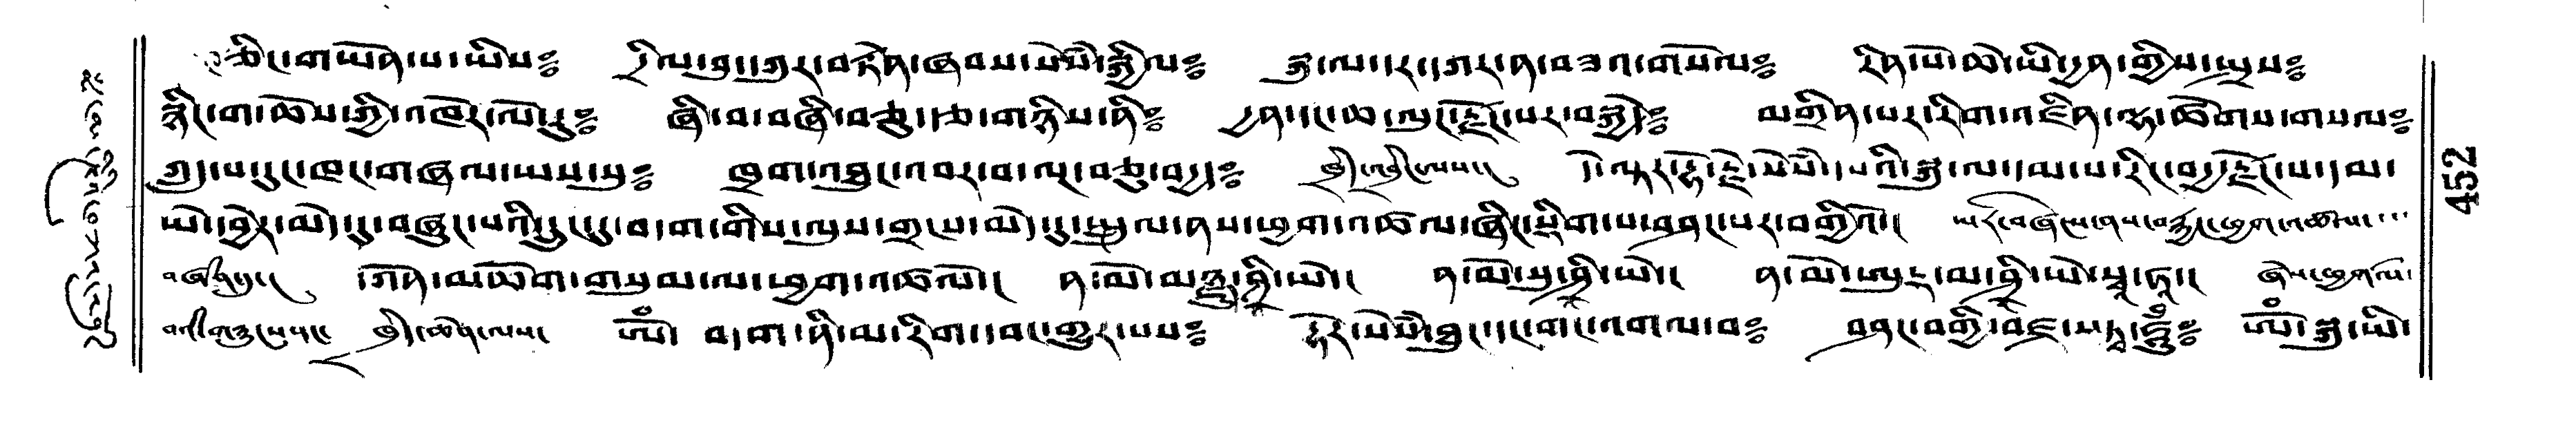ཅིང་གཡོན་པ་ཡིས༔ དྲིལ་བུ་དཀུར་བརྟེན་ཞབས་སེམས་སྐྱིལ༔ སྐུ་ལ་དར་དཀར་ན་བཟའ་གསོལ༔ རིན་པོ་ཆེ་ཡི་རྒྱན་གྱིས་སྤྲས༔ 
སྙིང་ག་ཆོས་ཀྱི་འཁོར་ལོ་རུ༔ ཞི་བ་བཞི་བཅུ་རྩ་གཉིས་ནི༔རྒྱན་དང་ཆ་ལུགས་རྫོགས་པར་བསྐྱེད༔ མགྲིན་པར་རིག་འཛིན་ལྷ་ཚོགས་གསལ༔ 
ཀླད་པ་དུང་ཁང་གཞལ་ཡས་སུ༔ ཁྲག་འཐུང་འབར་བ་ལྔ་བཅུ་བརྒྱད༔ ཁྲིད་འབྲིང་ལས། དེ་ལྟར་རྡོ་རྗེ་སེམས་དཔའི་སྐུ་ལ་དམ་པ་རིགས་བརྒྱ་རྫོགས་པ་དམ་
ཡེ་དབྱེར་མེད་དུ་བཞུགས་པའི་དྲུང་དུ་བདག་གིས་ལུས་གྲངས་མེད་དུ་སྤྲུལ་ནས་ཕྱག་འཚལ་ཞིང་སྡིག་པ་བཤགས་པར་བགྱིའོ། ཡར་བཞེངས་ནས་བརྐྱངས་ཕྱག་འཚལ་
བཞིན་དུ། དཀོན་མཆོག་གསུམ་ལ་ཕྱག་འཚལ་ལོ། ན་མོ་མཉྫུ་ཤྲཱི་ཡེ། ན་མོ་སུ་ཤྲཱི་ཡེ། ན་མོ་ཨུདྡ་མ་ཤྲཱི་ཡེ་སྭ་ཧཱ། ཞེས་ཕྱག་འཚལ་
བའི་གཟུངས་དང་། ཁྲིད་ཆེན་ལས། ཨོཾ༔ བདག་ནི་མ་རིག་དབང་གྱུར་པས༔ རྡོར་སེམས་ཐུགས་དང་གང་འགལ་བ༔ བཤགས་བགྱི་བཛྲ་སཏྭ་ཧཱུྃ༔ ཨོཾ༔སྐུ་ཡི་